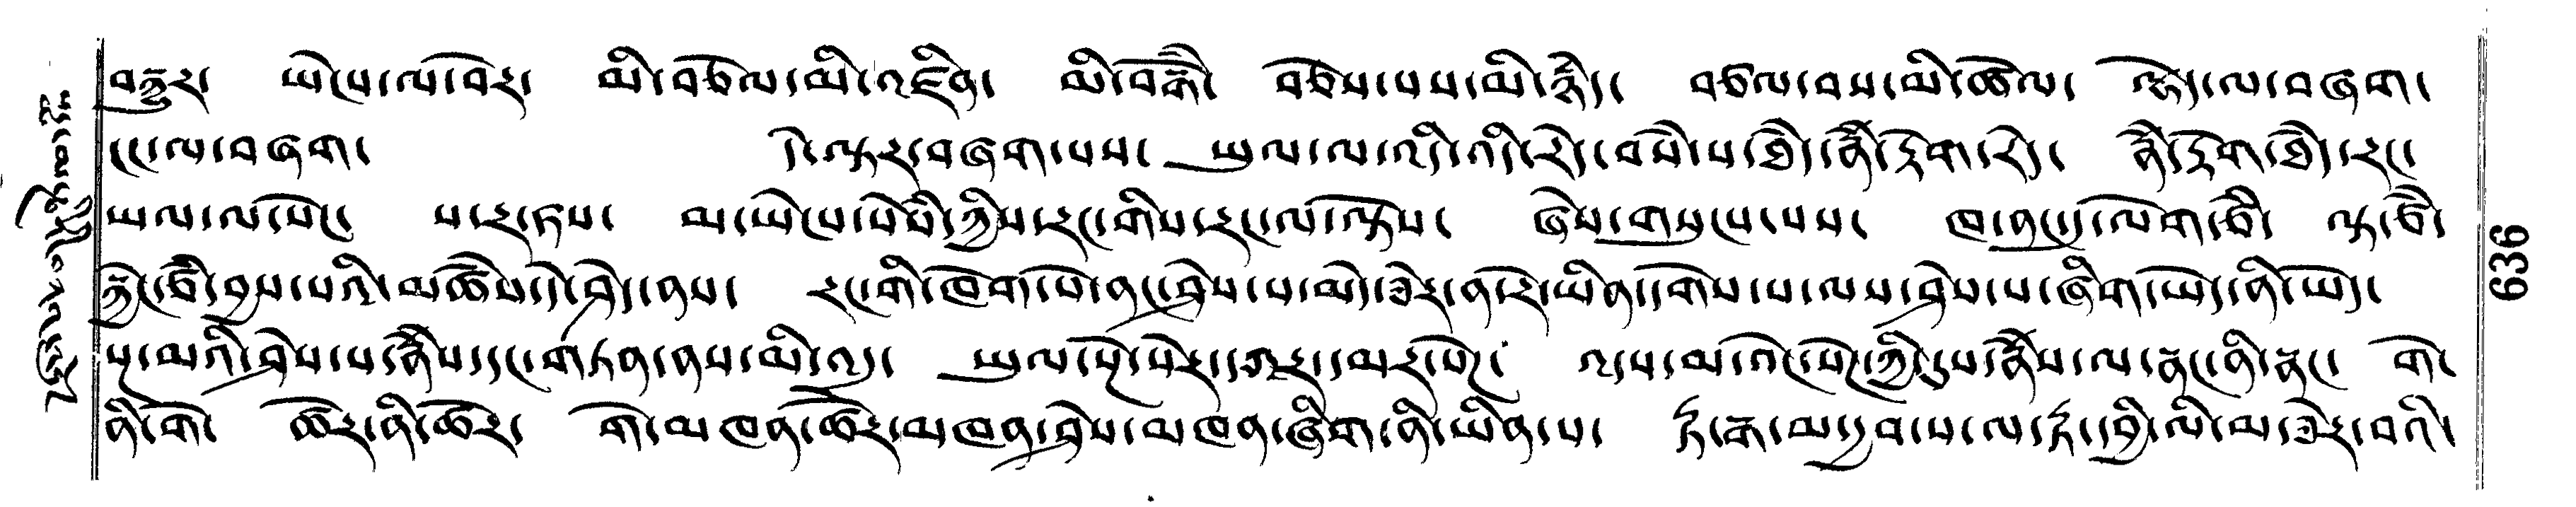བསྐྱུར། ཡེངས་ལ་བོར། མི་བཅོལ་མི་འཛིན། མི་བསྒོམ། བཅོས་པས་མི་རྙེད། བཙལ་བས་མི་ཚོལ། ལྷོད་ལ་བཞག 
ངང་ལ་བཞག དེ་ལྟར་བཞག་པས། ཡུལ་ལ་འདི་འདི་རེད་བསམ་པ་ཐམས་ཅད་རྣམ་རྟོག་རེད། རྣམ་རྟོག་ཐམས་ཅད་རང་
ཡལ་ལ་སོང་། ས་ར་ཧས། མ་ཡེངས་སེམས་ཀྱིས་རང་གིས་རང་ལ་ལྟོས། ཞེས་གསུངས་པས། ཁ་ནང་དུ་ལོག་ཙམ། ལྟ་ཙམ་
སྐྱོང་ཙམ་བྱས་པའི་མཚམས་དེ་ཤེད་ནས། རང་གི་ཁོག་པའི་ནང་ཤེས་པ་མེད་ཟེར་ན་རོ་ཡིན་དགོས་པ་ལས་ཤེས་པ་ཞིག་ཡོད་ནི་ཡོད། 
སྔ་མའི་ཤེས་པ་རྣམས་དང་གཏན་ནས་མི་འདྲ། ཡུལ་སྔོ་སེར་དཀར་དམར་སོགས། འདས་མ་འོངས་སོགས་ཀྱི་དུས་རྣམས་ལ་སྣང་ནི་སྣང་། གོ་
ནི་གོ། ཚོར་ནི་ཚོར། གོ་མཁན་ཚོར་མཁན་ཤེས་མཁན་ཞིག་ནི་ཡིན་པ། རྟ་སྒ་མ་རྒྱབ་པ་ལ་རྟ་དབྱི་ལི་མ་ཟེར་བའི་